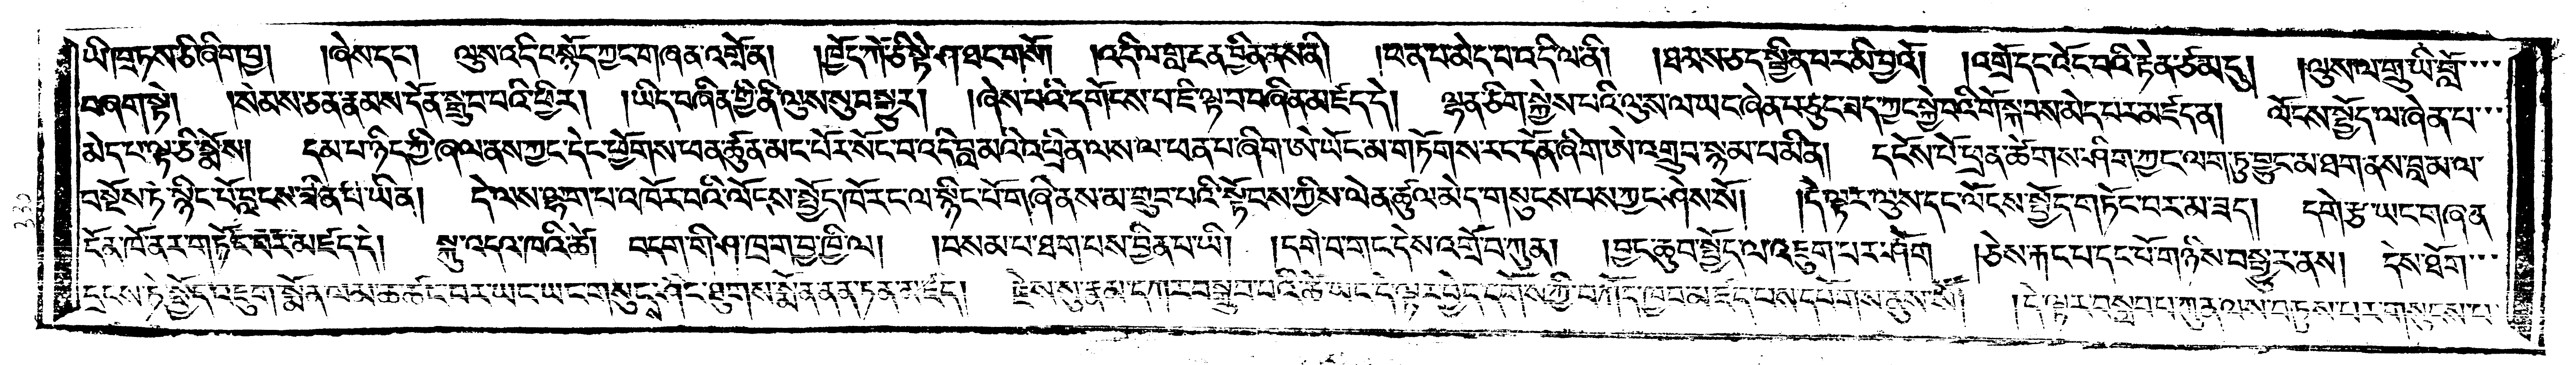ཡི་ཁྲ་ཏས་ཅི་ཞིག་བྱ། །ཞེས་དང་། ལུས་འདི་བསྙོད་ཀྱང་གཞན་འགྲོ་ན། །ཁྱོད་ཀོ་ཅི་སྟེ་ཤ་ཐང་གསོ། །འདི་ལ་གླ་རྔན་བྱིན་ནས་ནི། །ཕན་པ་མེད་པ་འདི་ལ་ནི། །ཐམས་ཅད་སྦྱིན་པར་མི་བྱའོ། །འགྲོ་དང་འོང་བའི་རྟེན་ཙམ་དུ། །ལུས་ལ་གྲུ་ཡི་བློ་
བཞག་སྟེ། །སེམས་ཅན་རྣམས་དོན་སྒྲུབ་བའི་ཕྱིར། །ཡིད་བཞིན་གྱི་ནི་ལུས་སུ་བསྒྱུར། །ཞེས་བའི་དགོངས་པ་ཇི་ལྟ་བ་བཞིན་མཛད་དེ། ལྷན་ཅིག་སྐྱེས་པའི་ལུས་ལ་ཡང་ཞེན་པ་ཅུང་ཟད་ཀྱང་སྐྱེ་པའི་གོ་སྐབས་མེད་པར་མཛད་ན། ལོངས་སྤྱོད་ལ་ཞེན་པ་
མེད་པ་ལྟ་ཅི་སྨོས། དམ་པ་ཉིད་ཀྱི་ཞལ་ནས་ཀྱང་དེང་ཕྱོགས་ཕན་ཚུན་མང་པོར་སོང་བ་འདི་བླ་མའི་འཕྲིན་ལས་ལ་ཕན་པ་ཞིག་ཨེ་ཡོང་མ་གཏོགས་རང་དོན་ཞིག་ཨེ་འགྲུབ་སྙམ་པ་མིན། དངོས་པོ་ཕྲན་ཚོགས་ཤིག་ཀྱང་ལག་ཏུ་བྱུང་མ་ཐག་ནས་བླ་མ་ལ་
བསྔོས་ཏེ་སྙིང་བོ་བླངས་ཟིན་པ་ཡིན། དེ་ལས་ལྷག་པ་འཁོར་བའི་ལོངས་སྤྱོད་ཁོ་རང་ལ་སྙིང་པོ་གཞི་ནས་མ་གྲུབ་པའི་སྟོབས་ཀྱིས་ལེན་ཚུལ་མེད་གསུངས་པས་ཀྱང་ཤེས་སོ། །དེ་ལྟར་ལུས་དང་ལོངས་སྤྱོད་གཏོང་བར་མ་ཟད། དགེ་རྩ་ཡང་གཞན་
དོན་ཁོ་ནར་གཏོང་བར་མཛད་དེ། སྐུ་འདའ་ཁའི་ཚེ། བདག་གི་ཤ་ཁྲག་བྱ་ཁྱིལ། །བསམ་པ་ཐག་པས་བྱིན་པ་ཡི། །དགེ་བ་གང་དེས་འགྲོ་བ་ཀུན། །བྱང་ཆུབ་སྤྱོད་ལ་འཇུག་པར་ཤོག། །ཅེས་རྐང་པ་དང་པོ་གཉིས་བསྒྱུར་ནས། དེས་ཐོག་
དྲངས་ཏེ་སྤྱོད་འཇུག་སྨོན་ལམ་ཆ་ཚང་བར་ཡང་ཡང་གསུངས་ཤིང་ཐུགས་སྨོན་ནན་ཏན་མཛད། རྗེས་སུ་རྣམ་དཀར་བསྒྲུབ་པའི་ཚེ་ཡང་དེ་ལྟར་བྱེད་དགོས་ཀྱི་བཀོད་ཁྱབ་མཛད་པས་དཔོགས་ནུས་སོ། །དེ་ལྟར་བསླབ་པ་ཀུན་ལས་བཏུས་པར་གསུངས་པ་